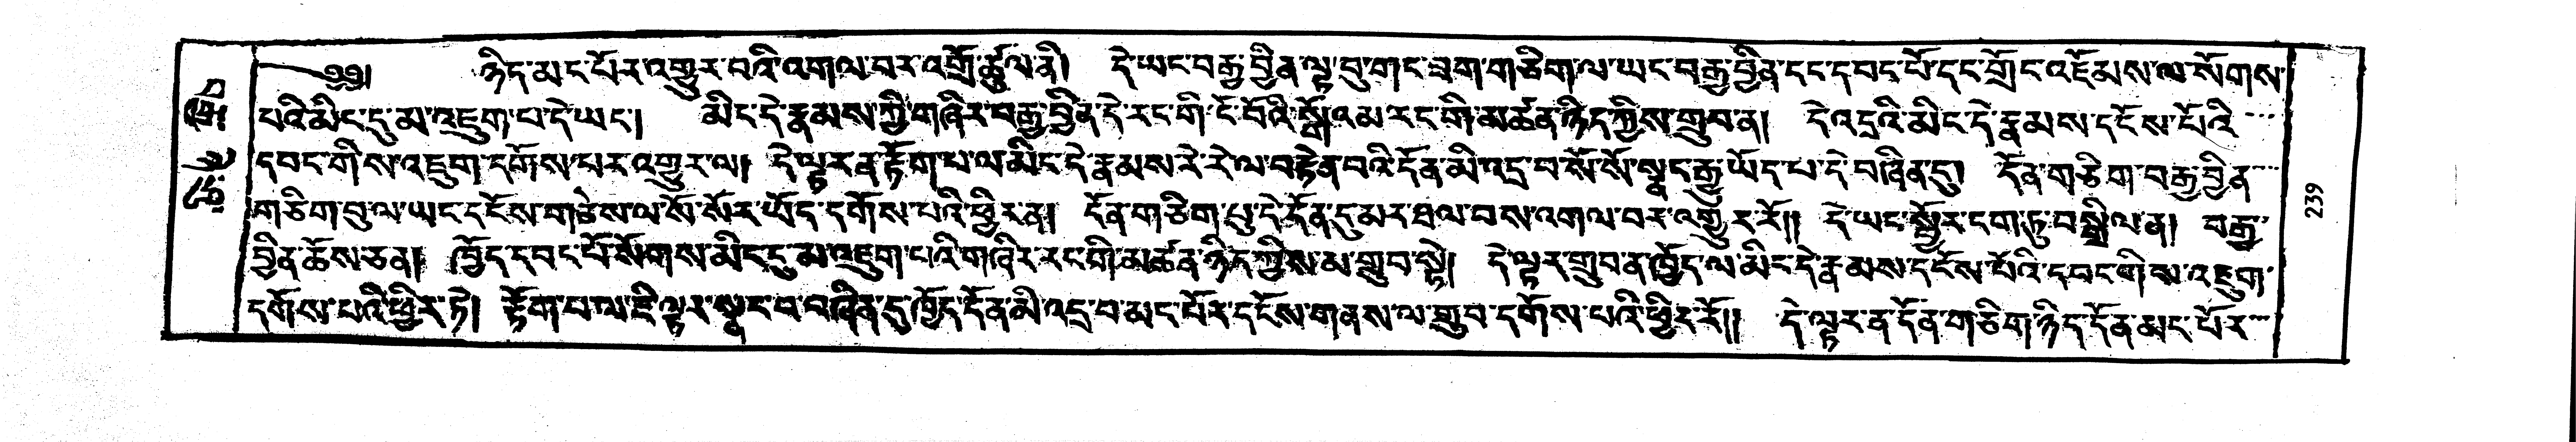༄༅། །ཉིད་མང་པོར་འགྱུར་བའི་འགལ་བར་འགྲོ་ཚུལ་ནི། དེ་ཡང་བརྒྱ་བྱིན་ལྟ་བུ་གང་ཟག་གཅིག་ལ་ཡང་བརྒྱ་བྱིན་དང་དབང་པོ་དང་གྲོང་འཇོམས་ལ་སོགས་
པའི་མིང་དུ་མ་འཇུག་པ་དེ་ཡང་། མིང་དེ་རྣམས་ཀྱི་གཞིར་བརྒྱ་བྱིན་དེ་རང་གི་ངོ་བོའི་སྒོའམ་རང་གི་མཚན་ཉིད་ཀྱིས་གྲུབ་ན། དེ་འདྲའི་མིང་དེ་རྣམས་དངོས་པོའི་
དབང་གིས་འཇུག་དགོས་པར་འགྱུར་ལ། དེ་ལྟར་ན་རྟོག་པ་ལ་མིང་དེ་རྣམས་རེ་རེ་ལ་བརྟེན་པའི་དོན་མི་འདྲ་བ་སོ་སོ་སྣང་རྒྱུ་ཡོད་པ་དེ་བཞིན་དུ། དོན་གཅིག་བརྒྱ་བྱིན་
གཅིག་བུ་ལ་ཡང་དངོས་གཅེས་ལ་སོ་སོར་ཡོད་དགོས་པའི་ཕྱིར་ན། དོན་གཅིག་པུ་དེ་དོན་དུ་མར་ཐལ་བས་འགལ་བར་འགྱུར་རོ།། དེ་ཡང་སྦྱོར་དག་ཏུ་བསྒྲིལ་ན། བརྒྱ་
བྱིན་ཆོས་ཅན། ཁྱོད་དབང་པོ་སོགས་མིང་དུ་མ་འཇུག་པའི་གཞིར་རང་གི་མཚན་ཉིད་ཀྱིས་མ་གྲུབ་སྟེ། དེ་ལྟར་གྲུབ་ན་ཁྱོད་ལ་མིང་དེ་རྣམས་དངོས་པོའི་དབང་གིས་འཇུག་
དགོས་པའི་ཕྱིར་ཏེ། རྟོག་པ་ལ་ཇི་ལྟར་སྣང་བ་བཞིན་དུ་ཁྱོད་དོན་མི་འདྲ་བ་མང་པོར་དངོས་གནས་ལ་གྲུབ་དགོས་པའི་ཕྱིར་རོ།། དེ་ལྟར་ན་དོན་གཅིག་ཉིད་དོན་མང་པོར་